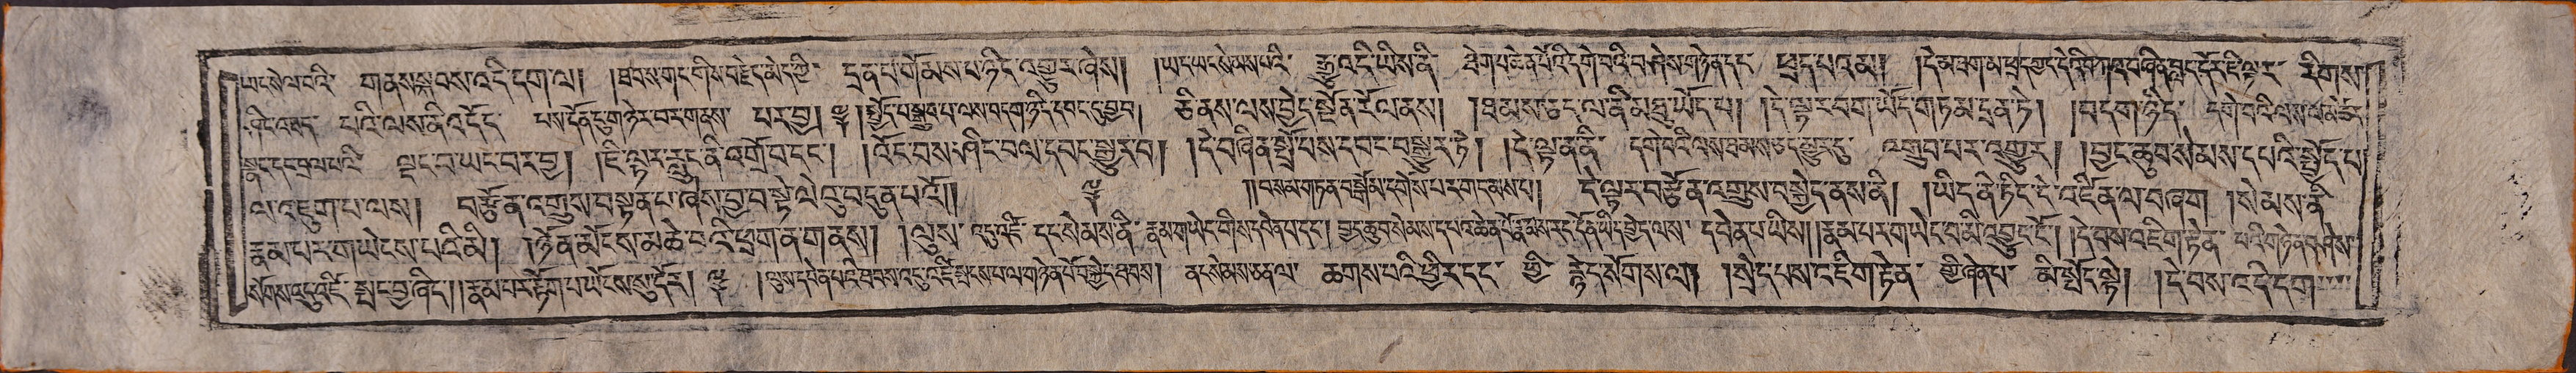ཡང་སེལ་བའི་གནས་སྐབས་འདི་དག་ལ། །ཐབས་གང་གིས་བརྗེད་མེད་ཀྱི་དྲན་པ་གོམས་པ་ཉིད་འགྱུར་ཞེས། །ཡང་ཡང་སེམས་པའི་རྒྱུ་འདི་ཡིས་ནི་ཐེག་པ་ཆེན་པོའི་དགེ་བའི་བཤེས་གཉེན་དང་ཕྲད་པའམ། །དེ་མ་ཐག་མ་ཕྲད་ཀྱང་དེའི་བཀའ་བཞིན་བླང་དོར་ཇི་ལྟར་རིགས་
ཤིང་འཐད་པའི་ལས་ནི་འདོད་པས་དོན་དུ་གཉེར་བར་གནས་པར་བྱ། ༈ །སྤྱོད་པ་སྒྲུབ་པ་ལས་བདག་ཉིད་དབང་དུ་བྱ་བ།  ཅི་ནས་ལས་བྱེད་སྔོན་རོལ་ནས། །ཐམས་ཅད་ལ་ནི་མཐུ་ཡོད་པ། །དེ་ལྟར་བག་ཡོད་གཏམ་དྲན་ཏེ། །བདག་ཉིད་དགེ་བའི་ལས་ལ་མཚོར་
སྣང་དང་བྲལ་བའི་ལྡང་བ་ཡང་བར་བྱ། །ཇི་ལྟར་རླུང་ནི་འགྲོ་བ་དང་། །འོང་བས་ཤིང་བལ་དབང་སྒྱུར་བ། །དེ་བཞིན་སྤྲོ་བས་དབང་བསྒྱུར་ཏེ། །དེ་ལྟ་ན་ནི་དགེ་བའི་ལས་ཐམས་ཅད་མྱུར་དུ་འགྲུབ་པ་འགྱུར། །བྱང་ཆུབ་སེམས་དཔེའི་སྤྱོད་པ་
ལ་འཇུག་པ་ལས། །བརྩོན་འགྲུས་བསྟན་པ་ཞེས་བྱ་བ་སྟེ་ལེའུ་བདུན་པའོ།། ༈ །།བསམ་གཏན་བསྒོམ་དགོས་པ་གདམས་པ།  དེ་ལྟར་བརྩོན་འགྲུས་བསྐྱེད་ན་ནི། །ཡིད་ནི་ཏིང་ངེ་འཛིན་ལ་བཞག །སེམས་ནི་
རྣམ་པར་གཡེངས་པའི་མི། །ཉོན་མོངས་མཆེ་བའི་ཕྲག་ན་གནས། །ལུས་འདི་འཛི་དང་སེམས་ནི་རྣམ་གཡེང་གིས་དབེན་པ་དང་། །བྱང་ཆུབ་སེམས་དཔའ་ཆེན་པོ་རྣམས་རང་དོན་ཡིད་བྱེད་ལ་དབེན་པ་ཡིས། །རྣམ་པར་གཡེང་བ་ཨི་འབྱུང་ངོ། །དེ་བས་འཇིག་རྟེན་བའི་གཉེན་བཤེས་
སོགས་འདུ་འཛི་སྤང་བྱ་ཞིང་། །རྣམ་པར་རྟོག་པ་ཡོངས་སུ་དོར། ༈ །ལུས་དབེན་པའི་ཐབས་འདུ་འཇི་སྤངས་པ་ལ་གཉེན་པོ་བསྐྱེད་ཐབས། ནང་སེམས་ཅན་ལ་ཆགས་པའི་ཕྱིར་ནང་ཕྱི་རྙེད་སོགས་ལ། །སྲེད་པས་འཇིག་རྟེན་གྱི་ཞེན་པ་མི་སྤོང་སྟེ། །དེ་བས་འདི་དག་